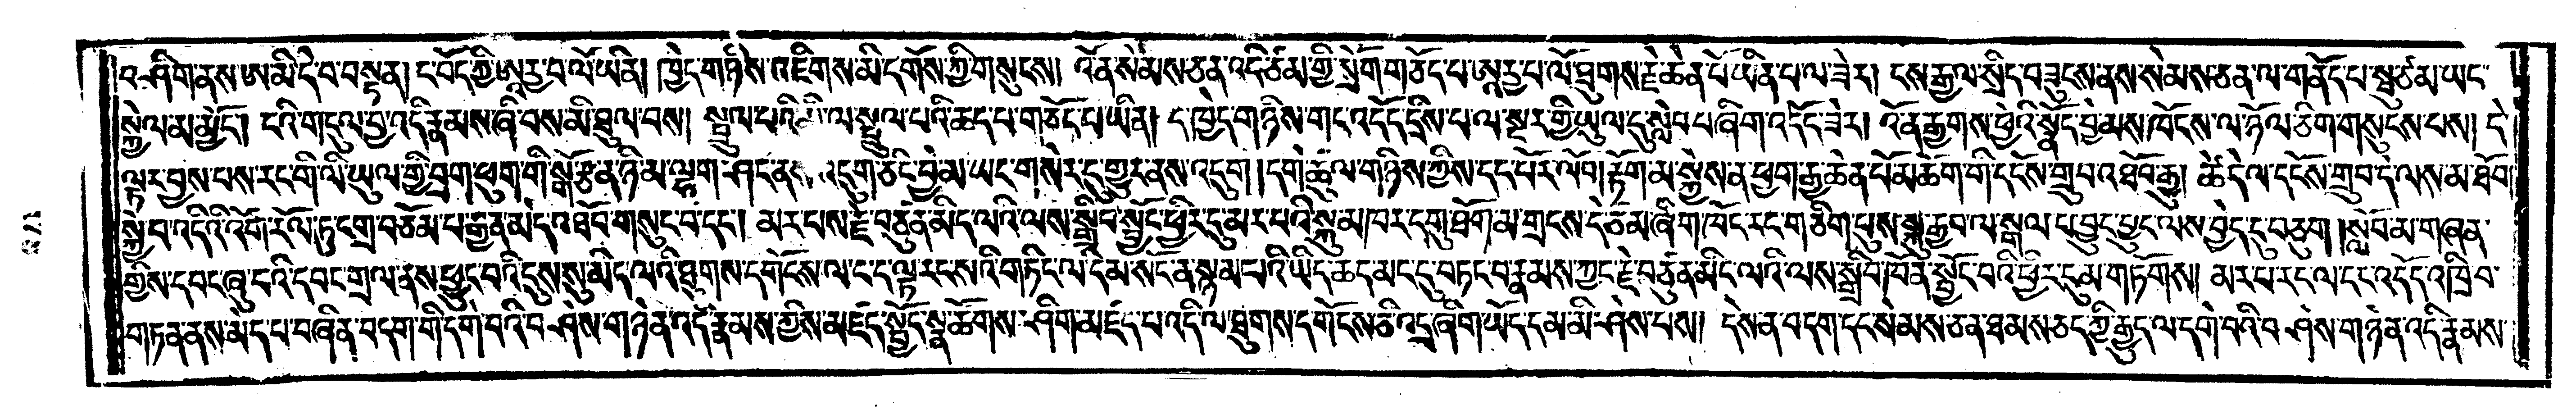བཤིག་ནས་ཨ་མི་དེ་བ་བསྟན། ང་བོད་ཀྱི་ཨཱརྱ་བ་ལོ་ཡིན། ཁྱེད་གཉིས་འཇིགས་མི་དགོས་ཀྱི་གསུངས། འོ་ན་སེམས་ཅན་འདི་ཙམ་གྱི་སྲོག་གཅོད་པ་ཨཱརྱ་པ་ལོ་ཐུགས་རྗེ་ཆེན་པོ་ཡིན་པ་ལ་ཟེར། ངས་རྒྱལ་སྲིད་བཟུངས་ནས་སེམས་ཅན་ལ་གནོད་པ་སྦུ་ཙམ་ཡང་
སྐྱེལ་མ་མྱོང་། ངའི་གདུལ་བྱ་འདི་རྣམས་ཞི་བས་མི་ཐུལ་བས། སྦྲུལ་པའི་མི་ལ་སྤྲུལ་པའི་ཆད་པ་གཅོད་པ་ཡིན། ད་ཁྱེད་གཉིས་གང་འདོད་དྲིས་པ་ལ་སྔར་གྱི་ཡུལ་དུ་སླེབ་པ་ཞིག་འདོད་ཟེར། འོ་ན་རྒྱགས་ཕྱེའི་སྣོད་བྱེ་མས་ཁོངས་ལ་ཉོལ་ཅིག་གསུངས་པས། དེ་
ལྟར་བྱས་པས་རང་གི་ལི་ཡུལ་གྱི་བྲག་ཕུག་གི་སྒོ་རྩ་ན་ཉི་མ་ལྷག་ཤད་ནས་འདུག་ཅིང་བྱེ་མ་ཡང་གསེར་དུ་གྱུར་ནས་འདུག །དགེ་ཚུལ་གཉིས་ཀྱིས་དང་པོར་ལོག་རྟོག་མ་སྐྱེས་ན་ཕྱག་རྒྱ་ཆེན་པོ་མཆོག་གི་དངོས་གྲུབ་འཐོབ་རྒྱུ། ཚེ་དེ་ལ་དངོས་གྲུབ་དེ་ལས་མ་ཐོབ།
སྐྱེ་བ་འདིའི་འོག་རོལ་ཏུ་དགྲ་བཅོམ་པ་རྒྱན་མེད་འཐོབ་གསུང་བ་དང་། མར་པས་རྗེ་བཙུན་མིད་ལའི་ལས་སྒྲིབ་སྦྱོང་ཕྱིར་དུ་མར་པའི་སྐུ་མཁར་དགུ་ཐོག་མ་གྲངས་དེ་ཙམ་ཞིག་ཁོང་རང་གཅིག་པུས་སྐུ་རྒྱབ་ལ་སྒལ་བ་བྱུང་བྱུང་ལས་བྱེད་དུ་བཅུག །སློབ་མ་གཞན་
གྱིས་དབང་ཞུ་བའི་དབང་གྲལ་ནས་ཕྱུང་བའི་དུས་སུ་མིད་ལའི་ཐུགས་དགོངས་ལ་ད་ད་ལྟ་རངས་སའི་གཏིང་ལ་དིམ་སོང་ན་སྙམ་པའི་ཡིད་ཆད་མང་དུ་བཏང་བ་རྣམས་ཀྱང་རྗེ་བཙུན་མིང་ལའི་ལས་སྒྲིབ་ཁོ་ན་སྦྱོང་བའི་ཕྱིར་དུ་མ་གཏོགས། མར་པ་རང་ལ་ངང་འདོད་འཁྲི་བ་
གཏན་ནས་མེད་པ་བཞིན་བདག་གི་དགེ་བའི་བཤེས་གཉེན་འདི་རྣམས་ཀྱིས་མཛད་སྤྱོད་སྣ་ཚོགས་ཤིག་མཛད་པ་འདི་ལ་ཐུགས་དགོངས་ཅི་འདྲ་ཞིག་ཡོད་དམ་མི་ཤེས་པས། དེས་ན་བདག་དང་སེམས་ཅན་ཐམས་ཅད་ཀྱི་རྒྱུད་ལ་དགེ་བའི་བཤེས་གཉེན་འདི་རྣམས་